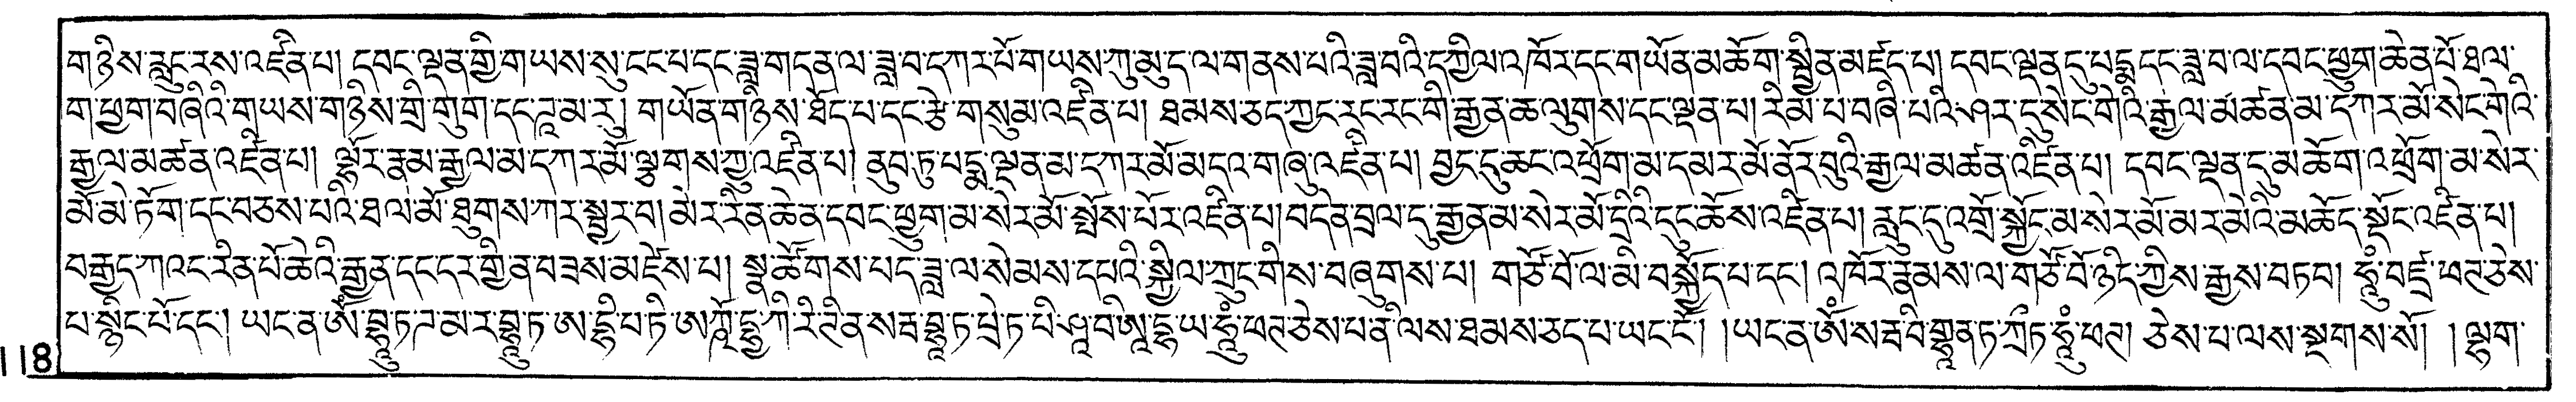གཉིས་རླུང་རས་འཛིན་པ། དབང་ལྡན་གྱི་གཡས་སུ་ངང་པ་དང་ཟླ་གདན་ལ་ཟླ་བ་དཀར་པོ་གཡས་ཀུ་མུ་ད་ལ་གནས་པའི་ཟླ་བའི་དཀྱིལ་འཁོར་དང་གཡོན་མཆོག་སྦྱིན་མཛད་པ། དབང་ལྡན་དུ་པདམ་དང་ཟླ་བ་ལ་དབང་ཕྱུག་ཆེན་པོ་ཐལ་
ག་ཕྱག་བཞིའི་གཡས་གཉིས་གྲི་གུག་དང་ཌཱ་མ་རུ། གཡོན་གཉིས་ཐོད་པ་དང་རྩེ་གསུམ་འཛིན་པ། ཐམས་ཅད་ཀྱང་རང་རང་གི་རྒྱན་ཆ་ལུགས་དང་ལྡན་པ། རིམ་པ་བཞི་པའི་ཤར་དུ་སེང་གེའི་རྒྱལ་མཚན་མ་དཀར་མོ་སེང་གེའི་
རྒྱལ་མཚན་འཛིན་པ། ལྷོར་རྣམ་རྒྱལ་མ་དཀར་མོ་ལྕགས་ཀྱུ་འཛིན་པ། ནུབ་ཏུ་པདམ་ལྡན་མ་དཀར་མོ་མདའ་གཞུ་འཛིན་པ། བྱང་དུ་ཆང་འཕྲོག་མ་དམར་མོ་ནོར་བུའི་རྒྱལ་མཚན་འཛིན་པ། དབང་ལྡན་དུ་མཆོག་འཕྲོག་མ་སེར་
མོ་མེ་ཏོག་དང་བཅས་པའི་ཐལ་མོ་ཐུགས་ཀར་སྦྱར་བ། མེར་རིན་ཆེན་དབང་ཕྱུག་མ་སེར་མོ་སྤོས་པོར་འཛིན་པ། བདེན་བྲལ་དུ་རྒྱན་མ་སེར་མོ་དྲིའི་དུང་ཆོས་འཛིན་པ། རླུང་དུ་འགྲོ་སྐྱོང་མ་སེར་མོ་མར་མེའི་མཆོད་སྡོང་འཛིན་པ།
བརྒྱད་ཀའང་རིན་པོ་ཆེའི་རྒྱན་དང་དར་གྱི་ན་བཟས་མཛེས་པ། སྣ་ཚོགས་པད་ཟླ་ལ་སེམས་དཔའི་སྐྱིལ་ཀྲུང་གིས་བཞུགས་པ། གཙོ་བོ་ལ་མི་བསྐྱོད་པ་དང་། འཁོར་རྣམས་ལ་གཙོ་བོ་ཉིད་ཀྱིས་རྒྱས་བཏབ། ཧཱུཾ་བཛྲ་ཕཊ་ཅེས་
པ་སྙིང་པོ་དང་། ཡང་ན་ཨོཾ་བྷཱུ་ཏ་ཌ་མ་ར་བྷཱུ་ཏ་ཨ་དྷི་པ་ཏི་ཨཀྵོ་དྷྱ་ཀི་རི་ཊི་ན་སརྦ་བྷཱ་ཏ་པྲེ་ཏ་པི་ཤཱ་བི་ཨཱ་དྷ་ཡ་ཧཱུཾ་ཕཊ་ཅེས་པ་ནི་ལས་ཐམས་ཅད་པ་ཡང་ངོ། །ཡང་ན་ཨོཾ་སརྦ་བི་གྷཱན་ཏ་ཀྲྀཏ་ཧཱུཾ་ཕཊ། ཅེས་པ་ལས་སྔགས་སོ། །ལྷག་